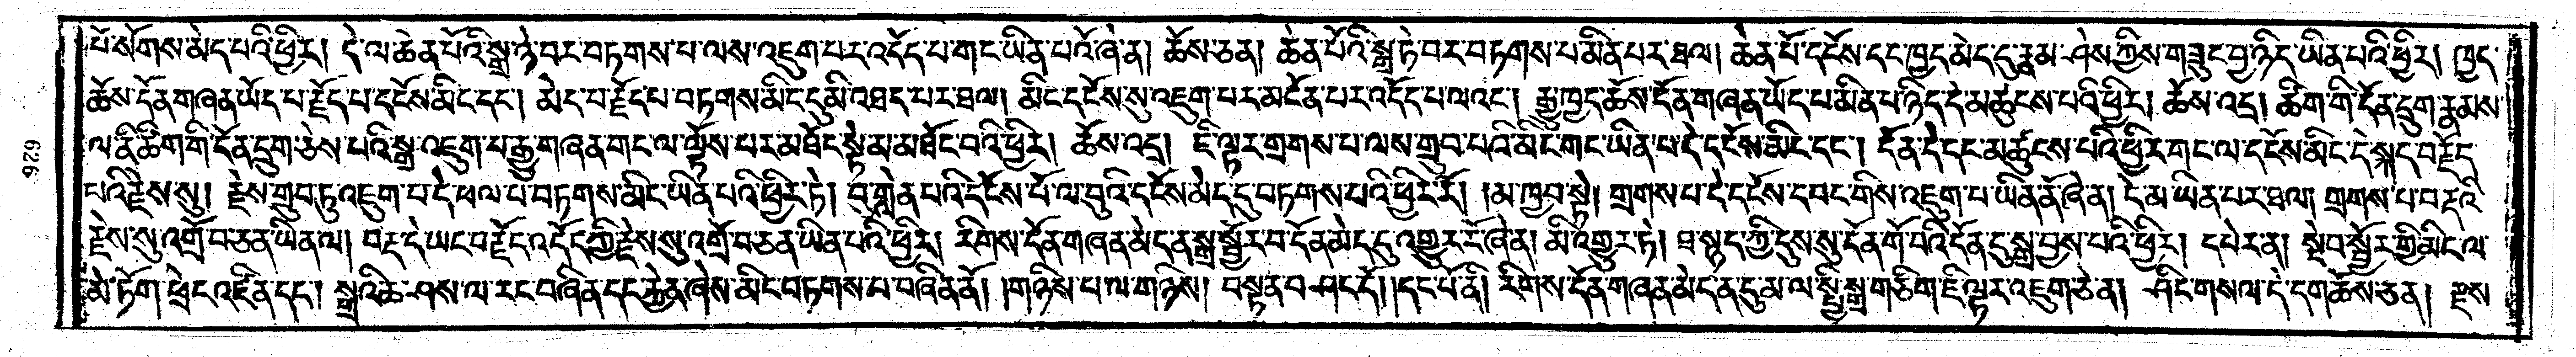པོ་སོགས་མེད་པའི་ཕྱིར། དེ་ལ་ཆེན་པོའི་སྒྲ་ཉེ་བར་བཏགས་པ་ལས་འཇུག་པར་འདོད་པ་གང་ཡིན་པའོ་ཞེ་ན། ཆོས་ཅན། ཆེན་པོའི་སྒྲ་ཏེ་བར་བཏགས་པ་མིན་པར་ཐལ། ཆེན་པོ་དངོས་དང་ཁྱད་མེད་དུ་རྣམ་ཤེས་ཀྱིས་གཟུང་བྱ་ཉིད་ཡིན་པའི་ཕྱིར། ཁྱད་
ཆོས་དོན་གཞན་ཡོད་པ་རྗོད་པ་དངོས་མིང་དང་། མེད་པ་རྗོད་པ་བཏགས་མིང་དུ་མི་འཐད་པར་ཐལ། མིང་དངོས་སུ་འཇུག་པར་མངོན་པར་འདོད་པ་ལའང་། རྒྱུ་ཁྱད་ཆོས་དོན་གཞན་ཡོད་པ་མིན་པ་ཉིད་དེ་མཚུངས་པའི་ཕྱིར། ཆོས་འདྲ། ཚིག་གི་དོན་དྲུག་རྣམས་
ལ་ནི་ཚིག་གི་དོན་དྲུག་ཅེས་པའི་སྒྲ་འཇུག་པ་རྒྱུ་གཞན་གང་ལ་ལྟོས་པར་མཐོང་སྟེ་མ་མཐོང་བའི་ཕྱིར། ཆོས་འདྲ། ཇི་ལྟར་གྲགས་པ་ལས་གྲུབ་པའི་མིང་གང་ཡིན་པ་དེ་དངོས་མིང་དང་། དོན་དེ་དང་མཚུངས་པའི་ཕྱིར་གང་ལ་དངོས་མིང་དེ་སྐད་བརྗོད་
པའི་རྗེས་སུ། རྗེས་གྲུབ་ཏུ་འཇུག་པ་དེ་ཕལ་པ་བཏགས་མིང་ཡིན་པའི་ཕྱིར་ཏེ། བུ་གླེན་པའི་དངོས་པོ་ལ་བུའི་དངོས་མེད་དུ་བཏགས་པའི་ཕྱིར་རོ། །མ་ཁྱབ་སྟེ། གྲགས་པ་དེ་དངོས་དབང་གིས་འཇུག་པ་ཡིན་ནོ་ཞེ་ན། དེ་མ་ཡིན་པར་ཐལ། གྲགས་པ་བརྡའི་
རྗེས་སུ་འགྲོ་བ་ཅན་ཡིན་ལ། བརྡ་དེ་ཡང་བརྗོད་འདོད་ཀྱི་རྗེས་སུ་འགྲོ་བ་ཅན་ཡིན་པའི་ཕྱིར། རིགས་དོན་གཞན་མེད་ན་སྒྲ་སྦྱོར་བ་དོན་མེད་དུ་འགྱུར་རོ་ཞེ་ན། མི་འགྱུར་ཏེ། ཐ་སྙད་ཀྱི་དུས་སུ་དོན་གོ་བའི་དོན་དུ་སྒྲ་བྱས་པའི་ཕྱིར། དཔེར་ན། སྔེབ་སྦྱོར་གྱི་མིང་ལ་
མེ་ཏོག་ཕྲེང་འཛིན་དང་། སྒྲའི་ཆ་ཤས་ལ་རང་བཞིན་དང་རྐྱེན་ཞེས་མིང་བཏགས་པ་བཞིན་ནོ། །གཉིས་པ་ལ་གཉིས། བསྟན་བཤད་དོ། །དང་པོ་ནི། རིགས་དོན་གཞན་མེད་ན་དུ་མ་ལ་སྤྱི་སྒྲ་གཅིག་ཇི་ལྟར་འཇུག་ཅེ་ན། ཤིང་གསལ་དེ་དག་ཆོས་ཅན། རྫས་